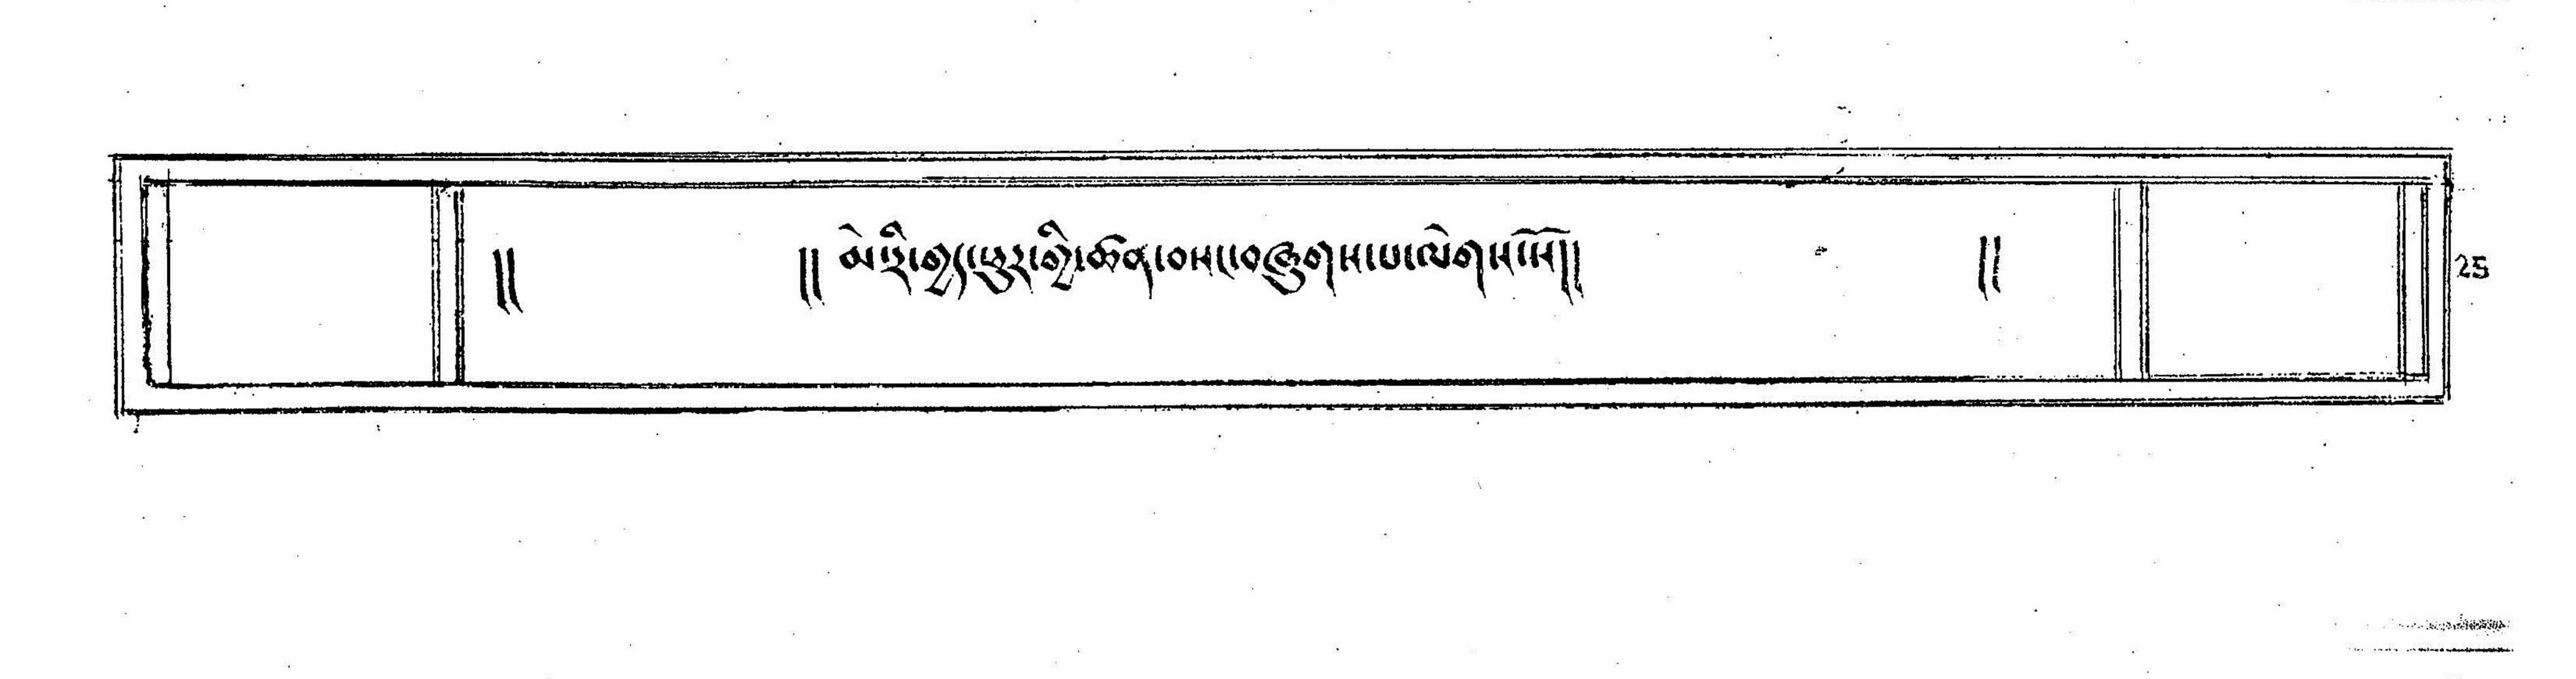།། །།མེ་རི་གྱད་ཕུར་གྱི་ཚན་བསང་བཞུགས་པ་ལེགས་སོ།། །།